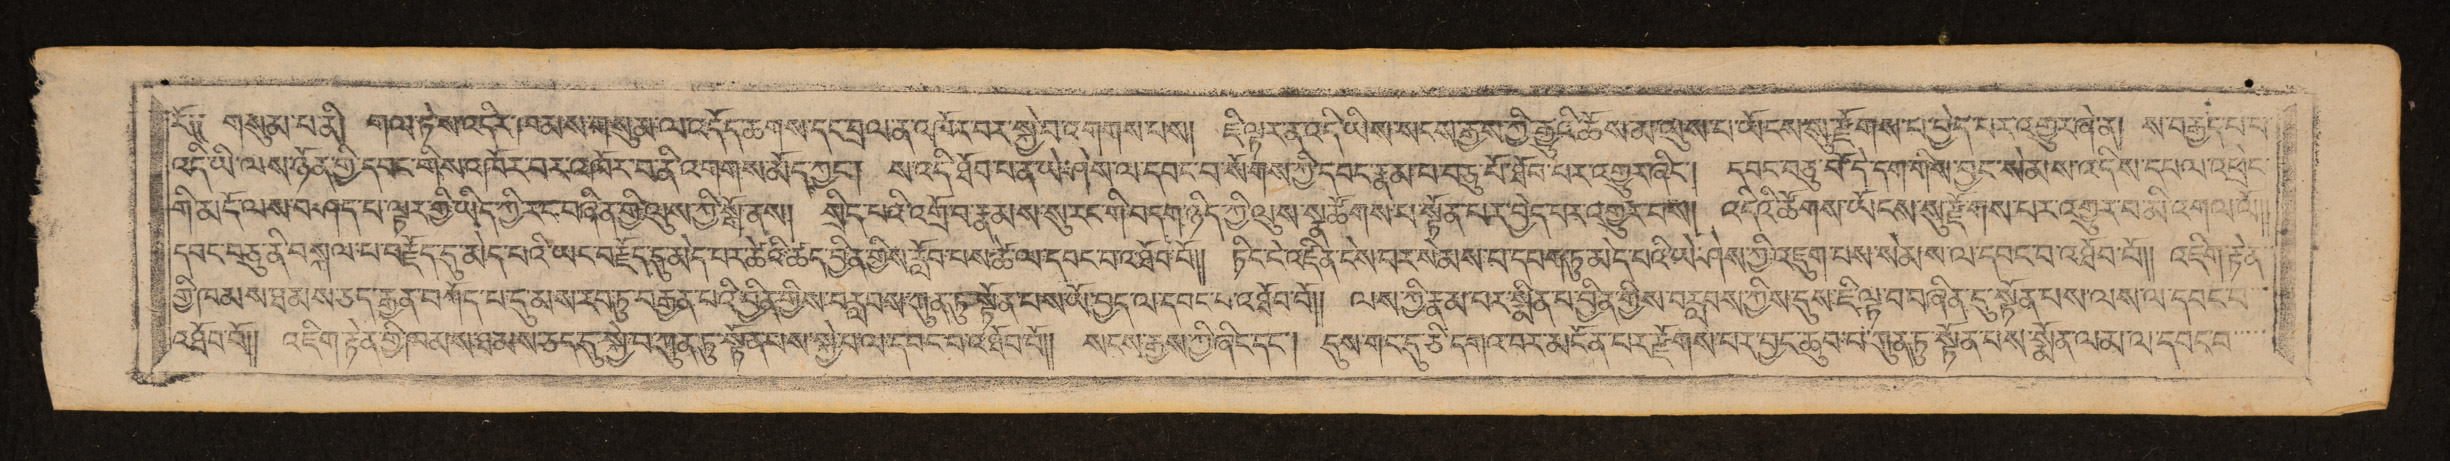རོ༑༑ གསུམ་པ་ནི། གལ་ཏེ་ས་འདིར་ཁམས་གསུམ་ལ་འདོད་ཆགས་དང་བྲལ་ན་འཁོར་བར་སྐྱེ་བ་འགག་པས། ཇི་ལྟར་ན་འདི་ཡིས་སངས་རྒྱས་ཀྱི་རྒྱུའི་ཆོས་མ་ལུས་པ་ཡོངས་སུ་རྫོགས་པ་བྱེད་པར་འགྱུར་ཞེ་ན། ས་བརྒྱད་པ་པ་
འདི་ཡི་ལས་ཉོན་གྱི་དབང་གིས་འཁོར་བར་འཁོར་བ་ནི་འགགས་མེད་ཀྱང་། ས་འདི་ཐོབ་པ་ན་ཡེ་ཤེས་ལ་དབང་བ་སོགས་ཀྱི་དབང་རྣམ་པ་བཅུ་པོ་ཐོབ་པར་འགྱུར་ཞིང་། དབང་བཅུ་པོ་དེ་དག་གིས་བྱང་སེམས་འདིས་དཔལ་འཕྲེང་
གི་མདོ་ལས་བཤད་པ་ལྟར་གྱི་ཡིད་ཀྱི་རང་བཞིན་གྱི་ལུས་ཀྱི་སྒོ་ནས། སྲིད་པའི་འགྲོ་བ་རྣམས་སུ་རང་གི་བདག་ཉིད་ཀྱི་ལུས་སྣ་ཚོགས་པ་སྟོན་པར་བྱེད་པར་འགྱུར་བས། འདིའི་ཚོགས་ཡོངས་སུ་རྫོགས་པར་འགྱུར་བ་མི་འགལ་ལོ།།
དབང་བཅུ་ནི་བསྐལ་པ་བརྗོད་དུ་མེད་པའི་ཡང་བརྗོད་དུ་མེད་པར་ཚེའི་ཚད་བྱིན་གྱིས་རློབ་པས་ཚེ་ལ་དབང་བ་འཐོབ་བོ།། ཏིང་ངེ་འཛིན་ངེས་པར་སེམས་པ་དཔག་ཏུ་མེད་པའི་ཡེ་ཤེས་ཀྱི་འཇུག་པས་སེམས་ལ་དབང་བ་འཐོབ་བོ། །འཇིག་རྟེན་
གྱི་ཁམས་ཐམས་ཅད་རྒྱན་བཀོད་པ་དུ་མས་རབ་ཏུ་བརྒྱན་པའི་བྱིན་གྱིས་བརླབས་ཀུན་ཏུ་སྟོན་པས་ཡོ་བྱད་ལ་དབང་བ་འཐོབ་བོ།། ལས་ཀྱི་རྣམ་པར་སྨིན་པ་བྱིན་གྱིས་བརླབས་ཀྱིས་དུས་ཇི་ལྟ་བ་བཞིན་དུ་སྟོན་པས་ལས་ལ་དབང་བ་
འཐོབ་བོ།། འཇིག་རྟེན་གྱི་ཁམས་ཐམས་ཅད་དུ་སྐྱེ་བ་ཀུན་ཏུ་སྟོན་པས་སྐྱེ་བ་ལ་དབང་བ་འཐོབ་བོ།། སངས་རྒྱས་ཀྱི་ཞིང་དང་། དུས་གང་དུ་ཅི་དགའ་བར་མངོན་པར་རྫོགས་པར་བྱང་ཆུབ་པ་ཀུན་ཏུ་སྟོན་པས་སྨོན་ལམ་ལ་དབང་བ་